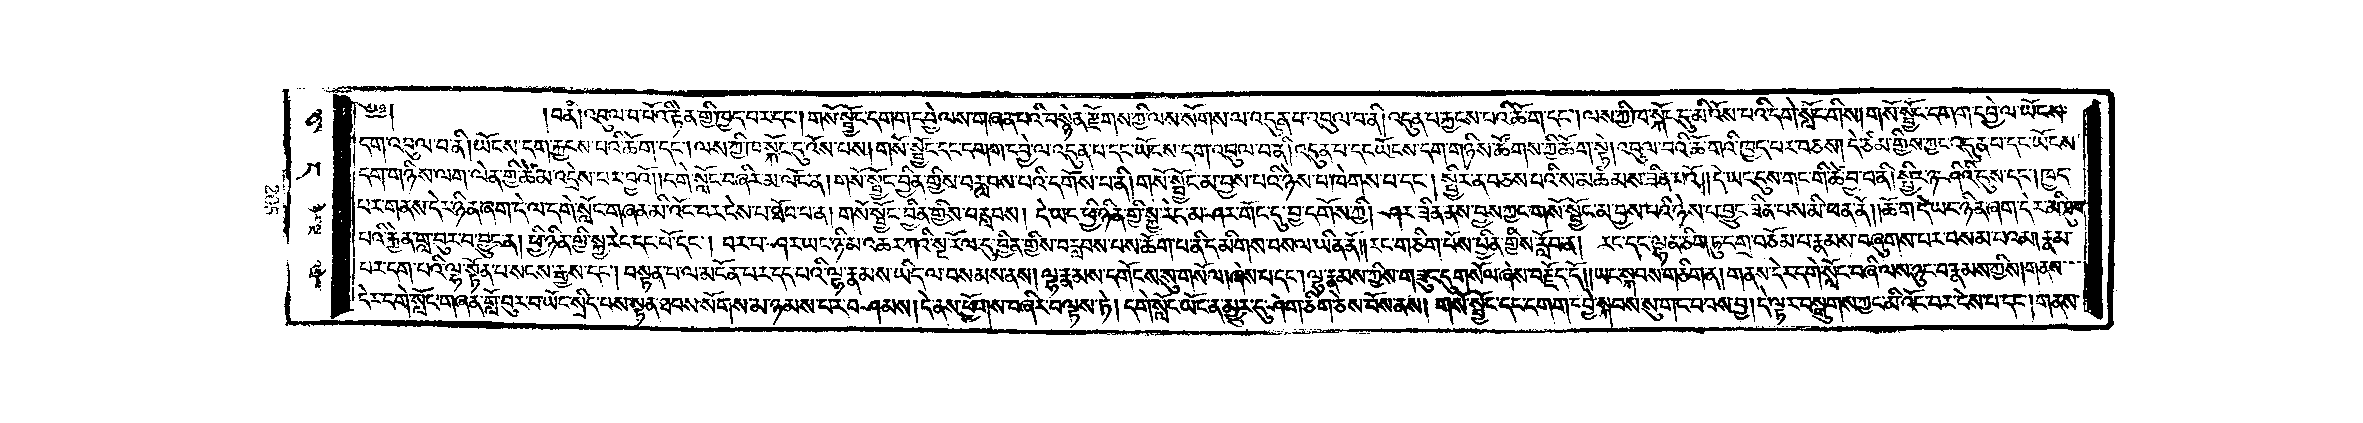༄༅། །བ་ནི། འབུལ་བ་པོའི་རྟེན་གྱི་ཁྱད་པར་དང་། གསོ་སྦྱོང་དགག་དབྱེ་ལས་གཞན་པའི་བསྙེན་རྫོགས་ཀྱི་ལས་སོགས་ལ་འདུན་པ་འབུལ་བ་ནི། འདུན་པ་རྐྱངས་པའི་ཆོ་ག་དང་། ལས་ཀྱི་ཁ་སྐོང་དུ་མི་འོས་པའི་དགེ་སློང་གིས། །གསོ་སྦྱོང་དགག་དབྱེ་ལ་ཡོངས་
དག་འབུལ་བ་ནི། ཡོངས་དག་རྐྱངས་པའི་ཆོ་ག་དང་། ལས་ཀྱི་ཁ་སྐོང་དུ་འོས་པས། གསོ་སྦྱོང་དང་དགག་དབྱེ་ལ་འདུན་པ་དང་ཡོངས་དག་འབུལ་བ་ནི། འདུན་པ་དང་ཡོངས་དག་གཉིས་ཚོགས་ཀྱི་ཆོ་ག་སྟེ། འབུལ་བའི་ཆོ་གའི་ཁྱད་པར་བཅས། དེ་ཙམ་གྱིས་ཀྱང་འདུན་པ་དང་ཡོངས་
དག་གཉིས་ལག་ལེན་གྱི་ཚེམ་འདྲེས་པར་བྱའོ། །དགེ་སློང་བཞིར་མ་ལོང་ན། གསོ་སྦྱོང་བྱིན་གྱིས་བརླབས་པའི་དགོས་པ་ནི། གསོ་སྦྱོང་མ་བྱས་པའི་ཉེས་པ་ཁེགས་པ་དང་། སྤྱིར་ན་བཅས་པའི་ས་མཚམས་ཟིན་པའོ། །དེ་ཡང་དུས་གང་གི་ཚེ་བྱ་བ་ནི། སྤྱིར་ཉ་ཤིའི་དུས་དང་། ཁྱད་
པར་གནས་དེར་ཉིན་ཞག་དེ་ལ་དགེ་སློང་གཞན་མི་འོང་བར་ངེས་པ་ཐོབ་པ་ན། གསོ་སྦྱོང་བྱིན་གྱིས་བརླབས། དེ་ཡང་ཕྱི་ཉིན་གྱི་སྐྱ་རེད་མ་ཤར་གོང་དུ་བྱ་དགོས་ཀྱི། ཤར་ཟིན་ནས་བྱས་ཀྱང་གསོ་སྦྱོང་མ་བྱས་པའི་ཉེས་པ་བྱུང་ཟིན་པས་མི་ཕན་ནོ། །ཆོ་ག་དེ་ཡང་ཉིན་ཞག་དེར་མི་ཐུབ་
པའི་རྐྱེན་གླ་བུར་བ་བྱུང་ན། ཕྱི་ཉིན་གྱི་སྐྱ་རེང་དང་པོ་དང་། བར་པ་ཤར་ཡང་ཉི་མ་འཆར་ཀའི་སྔ་རོལ་དུ་བྱིན་གྱིས་བརླབས་པས་ཆོག་པ་ནི་དམིགས་བསལ་ཡིན་ནོ། །རང་གཅིག་པོས་བྱིན་གྱིས་རློབ་ན། རང་དང་ལྷན་ཅིག་ཏུ་དགྲ་བཅོམ་པ་རྣམས་བཞུགས་པར་བསམ་པའམ། རྣམ་
པར་དག་པའི་ལྷ་སྟོན་པ་སངས་རྒྱས་དང་། བསྟན་པ་ལ་མངོན་པར་དད་པའི་ལྷ་རྣམས་ཡིད་ལ་བསམས་ནས། ལྷ་རྣམས་དགོངས་སུ་གསོལ། ཞེས་པ་དང་། ལྷ་རྣམས་ཀྱིས་གཟུང་དུ་གསོལ་ཞེས་བརྗོད་དོ། །ཡང་སྐབས་གཅིག་ན། གནས་དེར་དགེ་སློང་བཞི་ལས་ཉུང་བ་རྣམས་ཀྱིས། གནས་
དེར་དགེ་སློང་གཞན་གློ་བུར་བ་ཡོང་སྲིད་པས་སྟན་ཐབས་སོགས་མ་ཉམས་པར་བཤམས། དེ་ནས་ཕྱོགས་བཞིར་བལྟས་ཏེ། དགེ་སློང་ཡོང་ན་མྱུར་དུ་ཤེག་ཅིག་ཅེས་བོས་ནས། གསོ་སྦྱོང་དང་དགག་དབྱེ་སྐབས་སུ་གང་བབས་བྱ། དེ་ལྟར་བསྒུགས་ཀྱང་མི་འོང་བར་ངེས་པ་དང་། གནས་